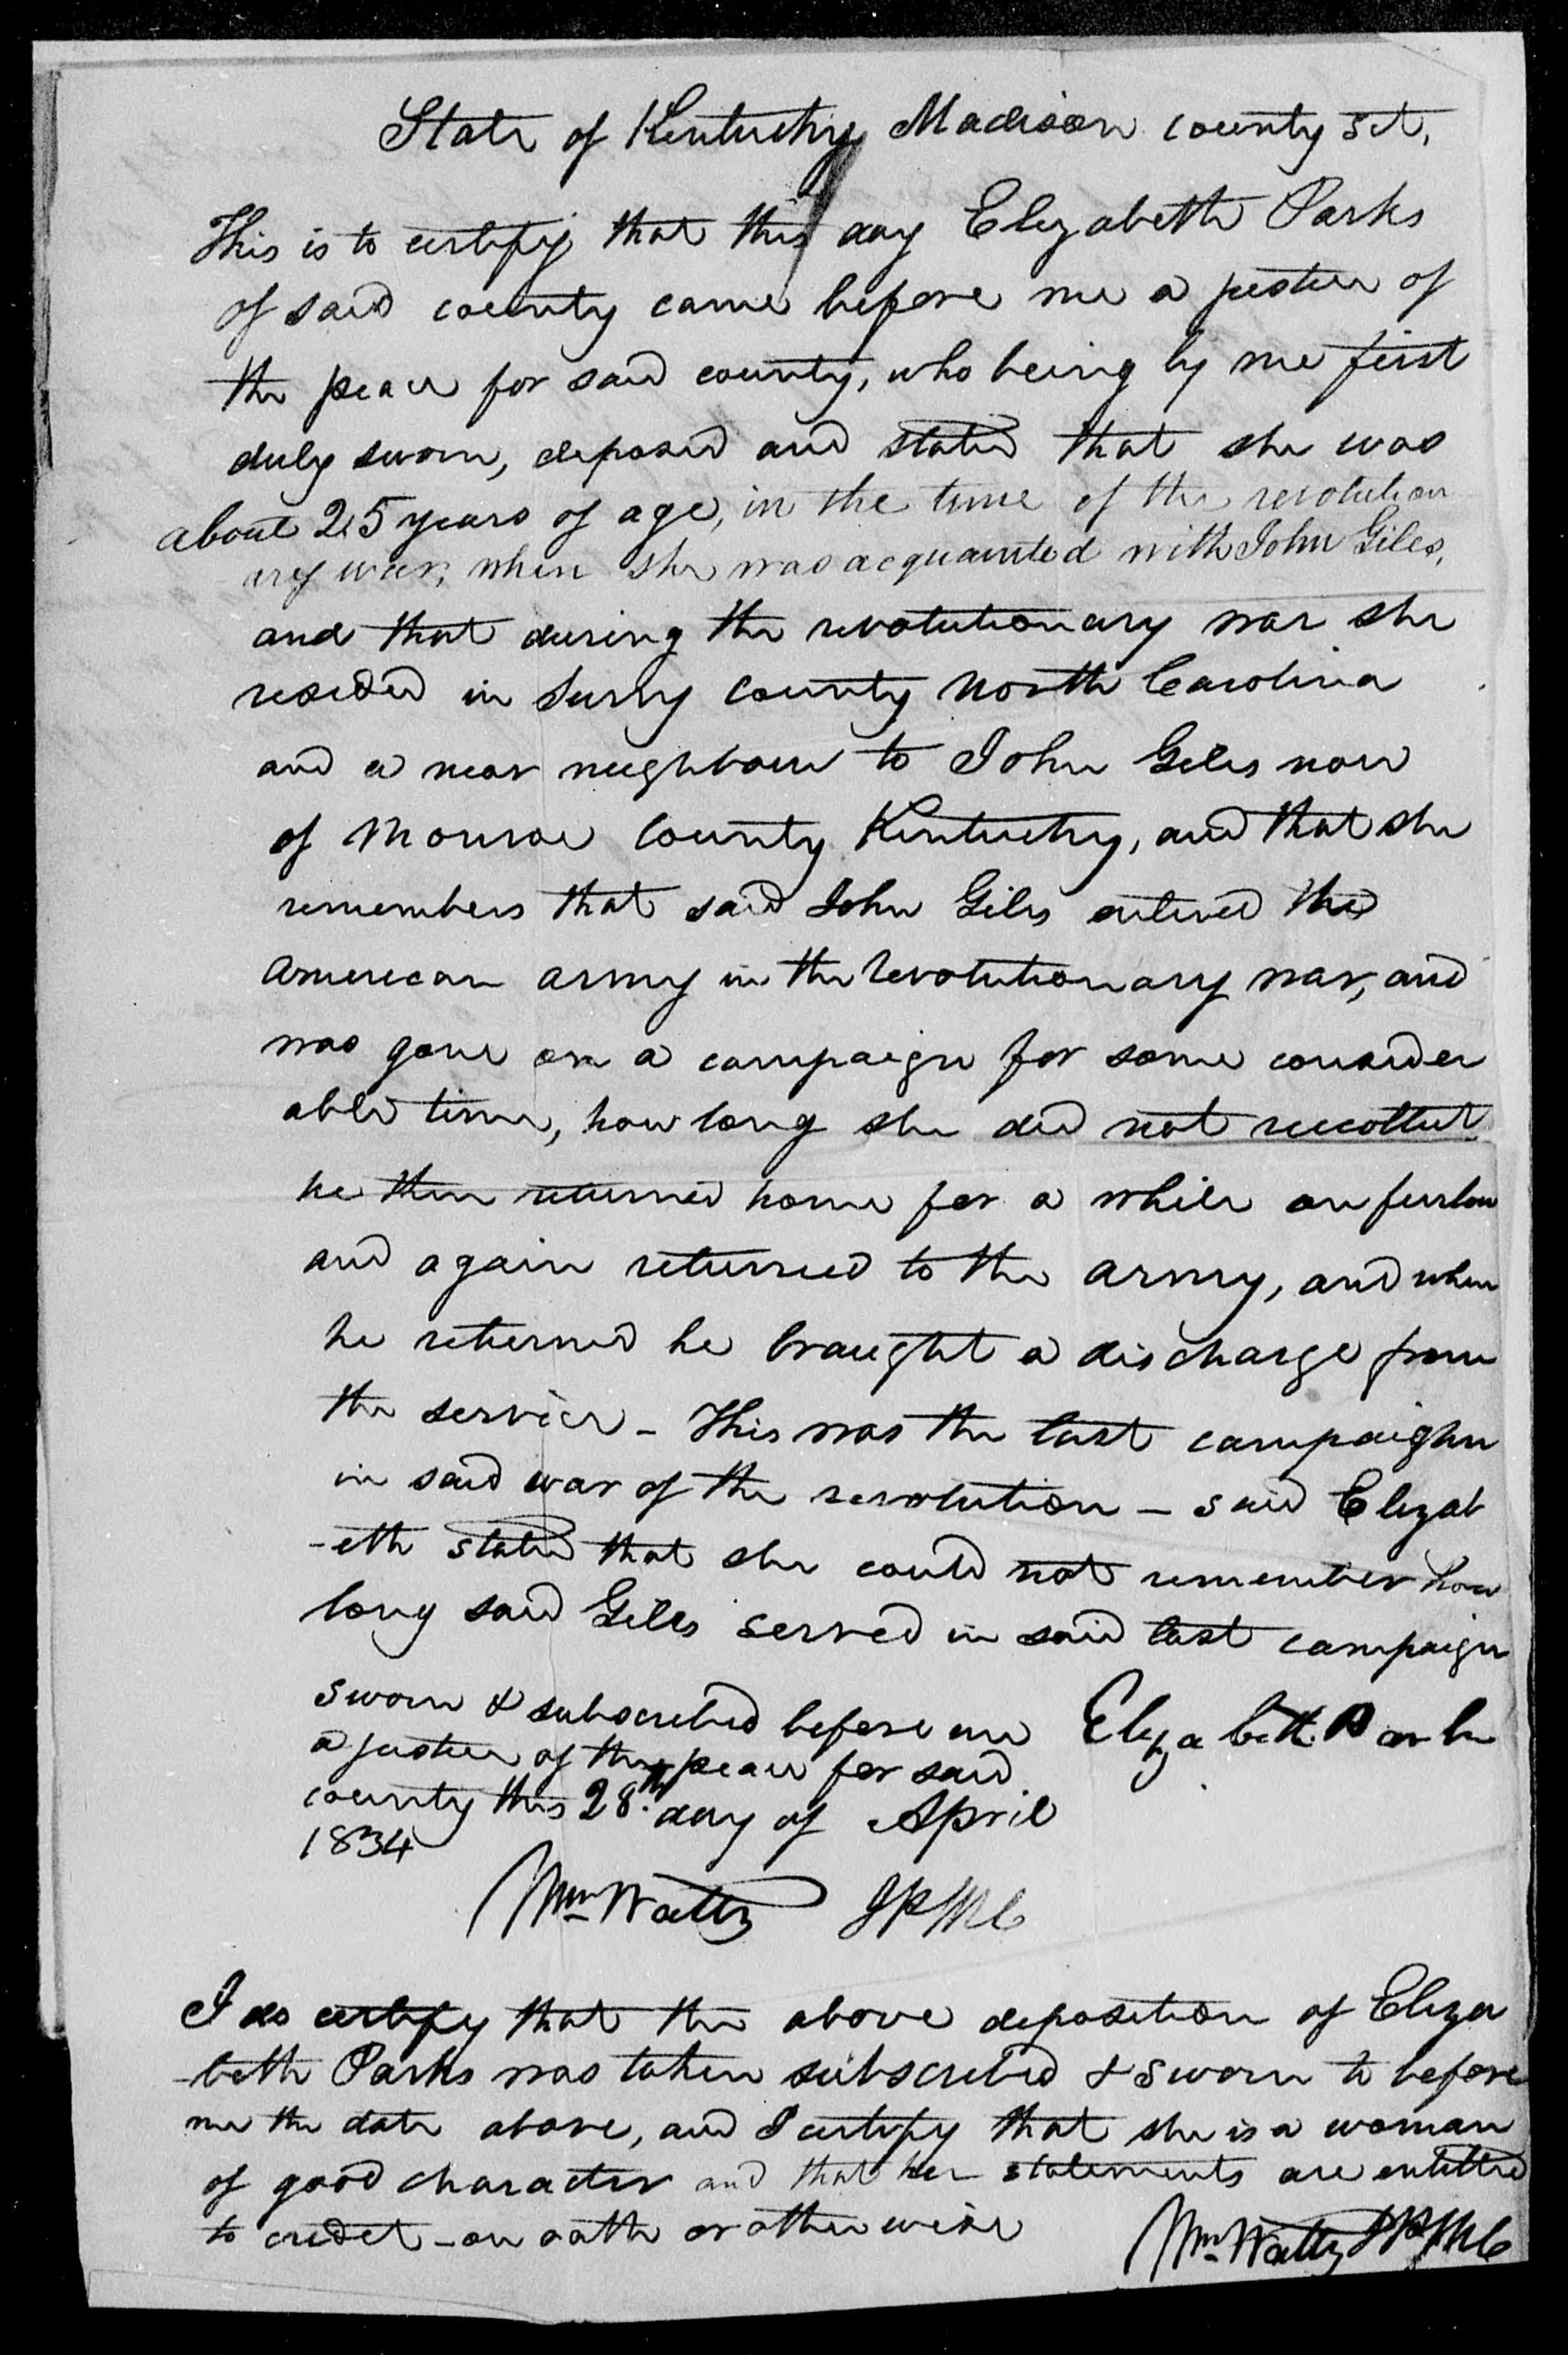State of Kentucky Madison County Sct. 
This is to certify that this day Elizabeth Parks of said county came before me a justice of the peace for said county, who being by me first duly sworn, deposed and stated that she was about 25 years of age, in the time of the revolutionary war, when she was acquainted with John Giles, and that during the revolutionary war she resided in Surry County North Carolina and a near neighbor to John Giles now of Monroe County Kentucky, and that she remembers that said John Giles outlived the American Army in the revolutionary war, and was gone on a campaign for some considerable time, how long she did not recollect he then returned home for a while on furlow and again returned to the army, and when he returned he brough a discharge from the service - This was the last campaign in said war of the revolution - said Elizabeth stated that she could not remember how longsaid Giles served in said last campaign
Elizabeth Park

sworn & subscribed before me 
a justice of the peace for said
county this 28th day of April 1834
Wm Watty JPMC

I do certify that the above deposition of Elizabeth Parks was taken subsribed & sworn to before me the date above, and I certify that she is a woman of good character and that her statements are entitled to credit - on oath or otherwise
Wm. Watty JPMC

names: Elizabeth Parks, John Giles, John Giles, Elizabeth Parks, Wm Watty, Elizabeth, Giles, Wm Watty, Elizabeth Parks, John Giles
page: 52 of 82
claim: widow's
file: W. 7,522, John Giles, N.C.